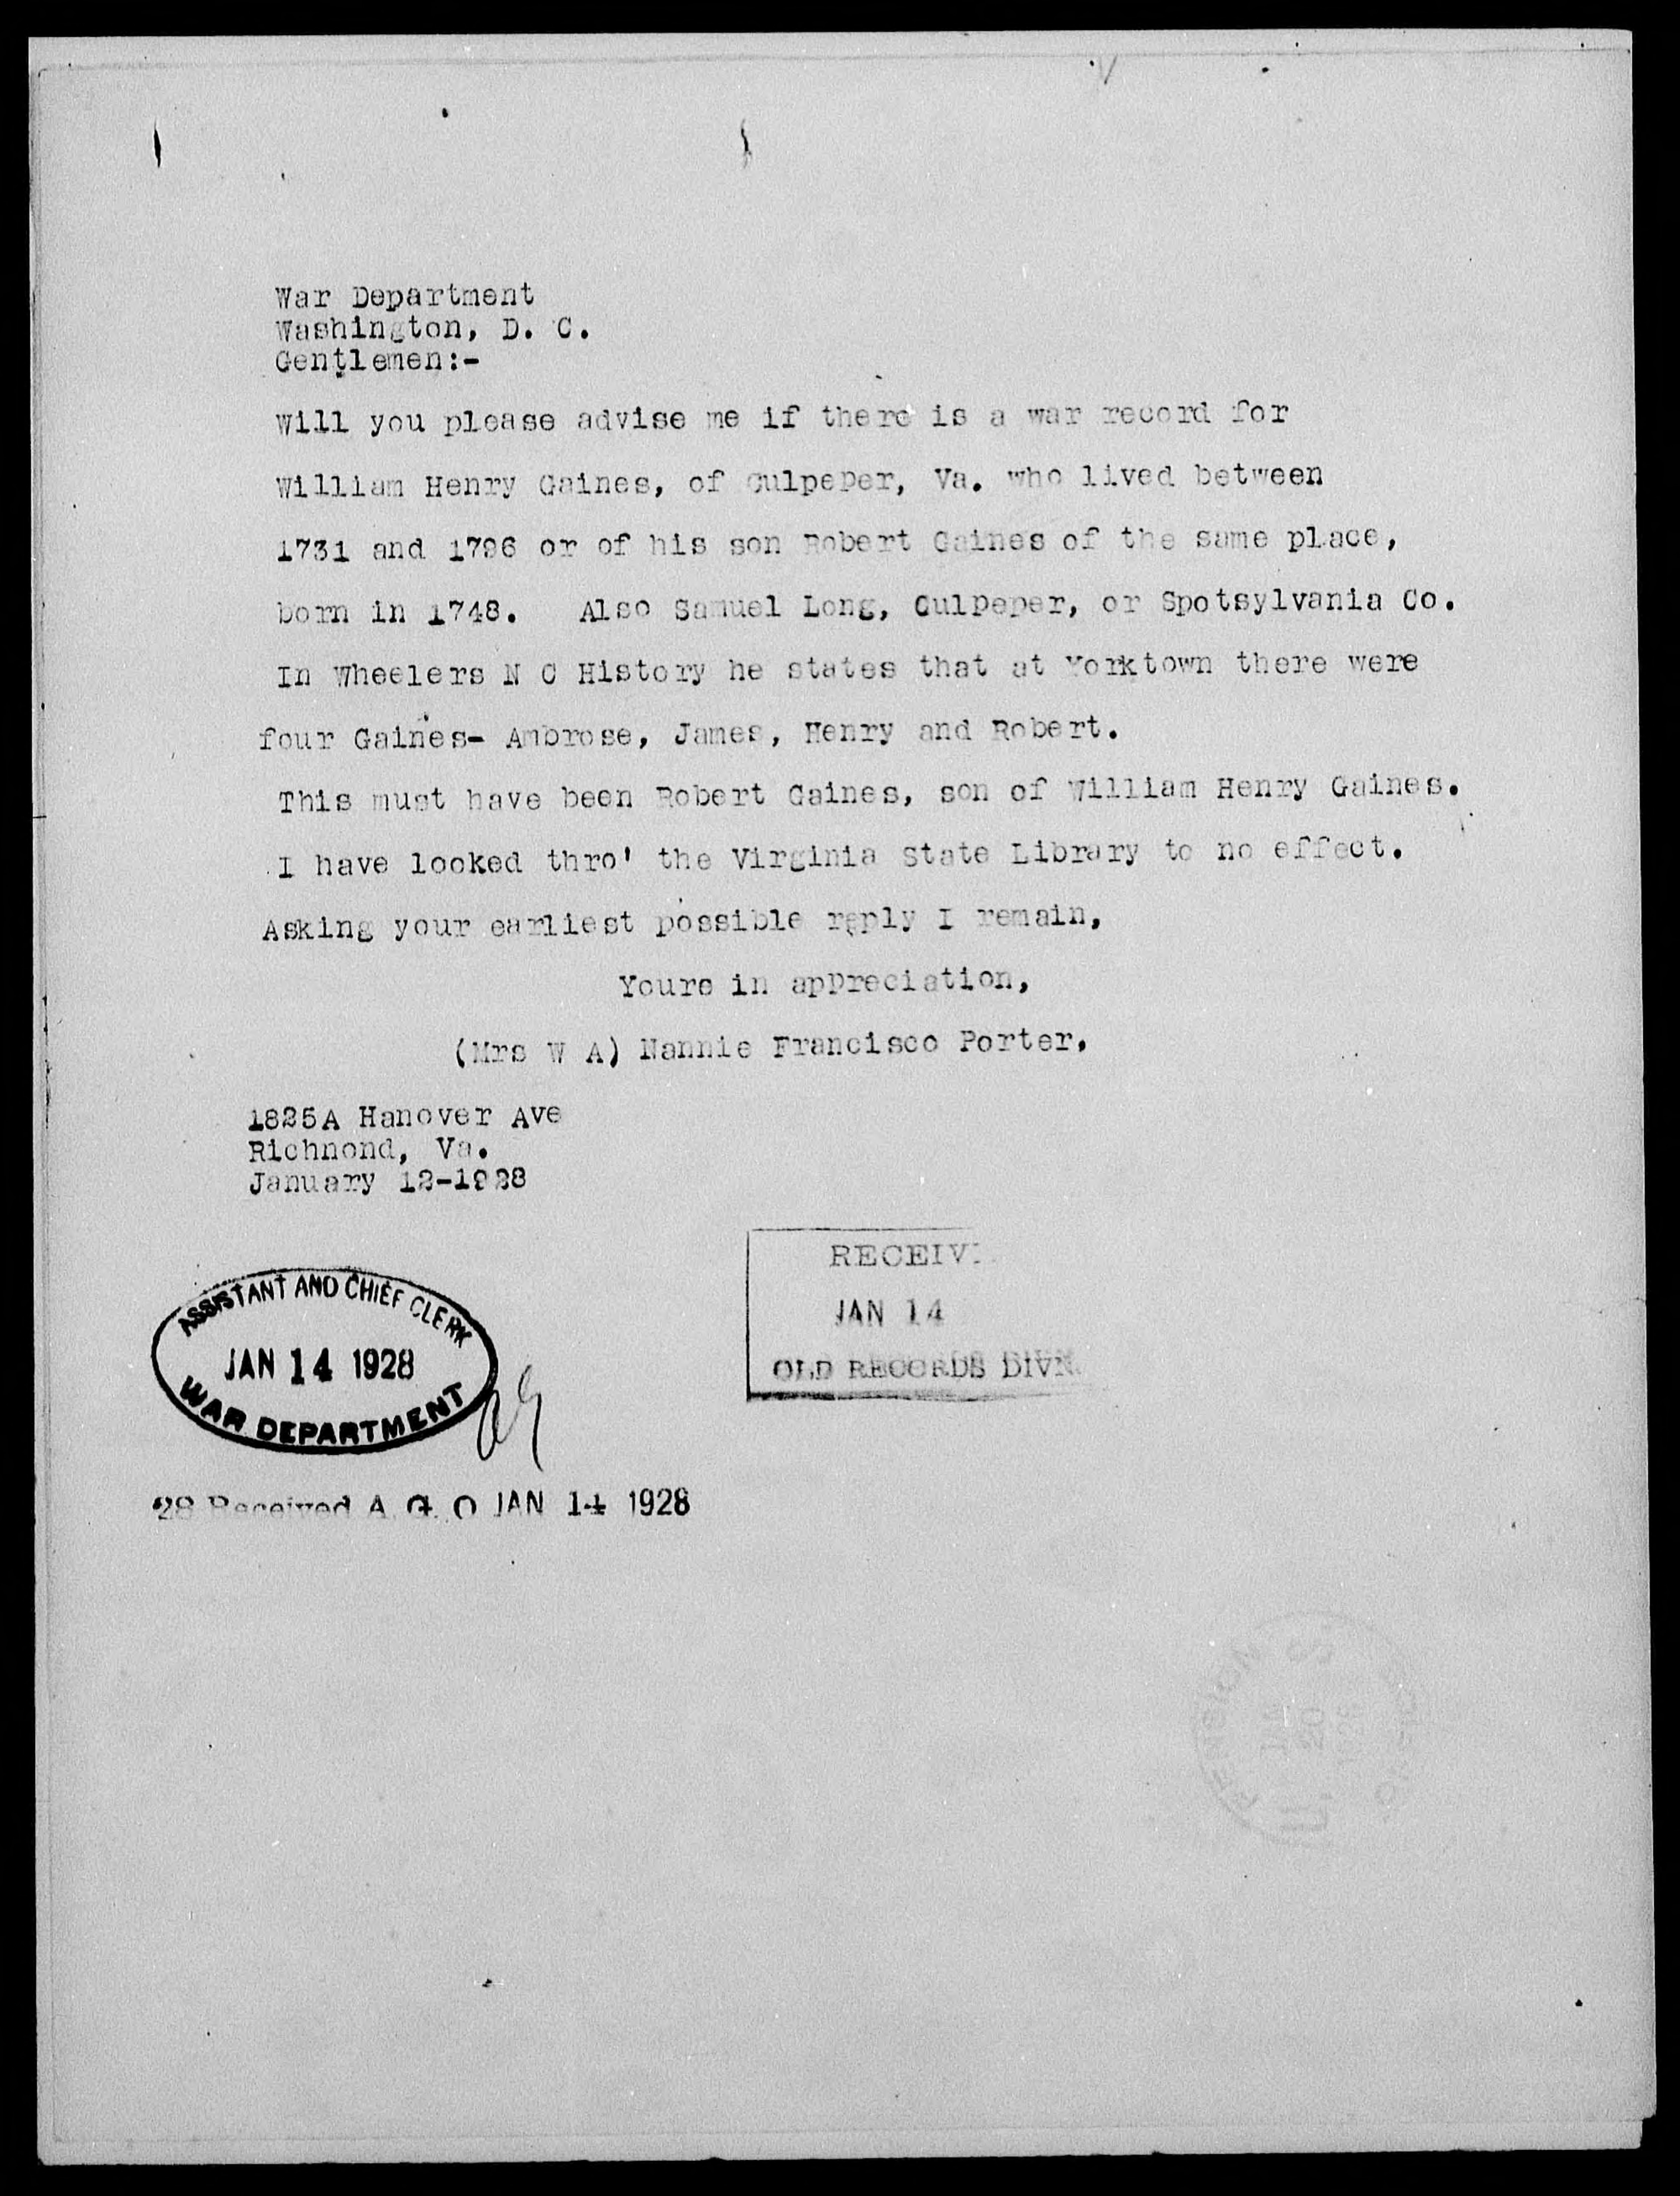War Department
Washington, D. C.
Gentlemen:-
will you please advise me if there is a war record for
William Henry Gaines, of Culpeper, Va. who lived between
1731 and 1796 or of his son Robert Gaines of the same place,
born in 1748. Also Samuel Long, Culpeper, or Spotsylvania Co.
In Wheelers N C History he states that at Yorktown there were
four Gaines- Ambrose, James, Henry and Robert.
This must have been Robert Gaines, son of William Henry Gaines,
I have looked thro' the Virginia State Library to no effect.
Asking your earliest possible reply I remain,
Yours in appreciation,
(Mrs W A) Nannie Francisco Porter,
1825A Hanover Ave
Richmond, Va.
January 12 - 1828
ASSISTANT AND CHIEF CLERK
JAN 14 1928
WAR DEPARTMENT
[initialed] ag [/initialed]
28 Received A. G. O JAN 14 1928
RECEIVED
JAN 14
OLD RECORDS DIVISION

U. S. PENSION OFFICE
JAN
20
1928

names: Samuel Long, William Henry Gaines, Henry, Ambrose, Gaines, James, Robert, William Henry Gaines, Robert Gaines, Robert Gaines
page: 44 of 79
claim: rejected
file: R. 3863, Robert Gaines, Va.